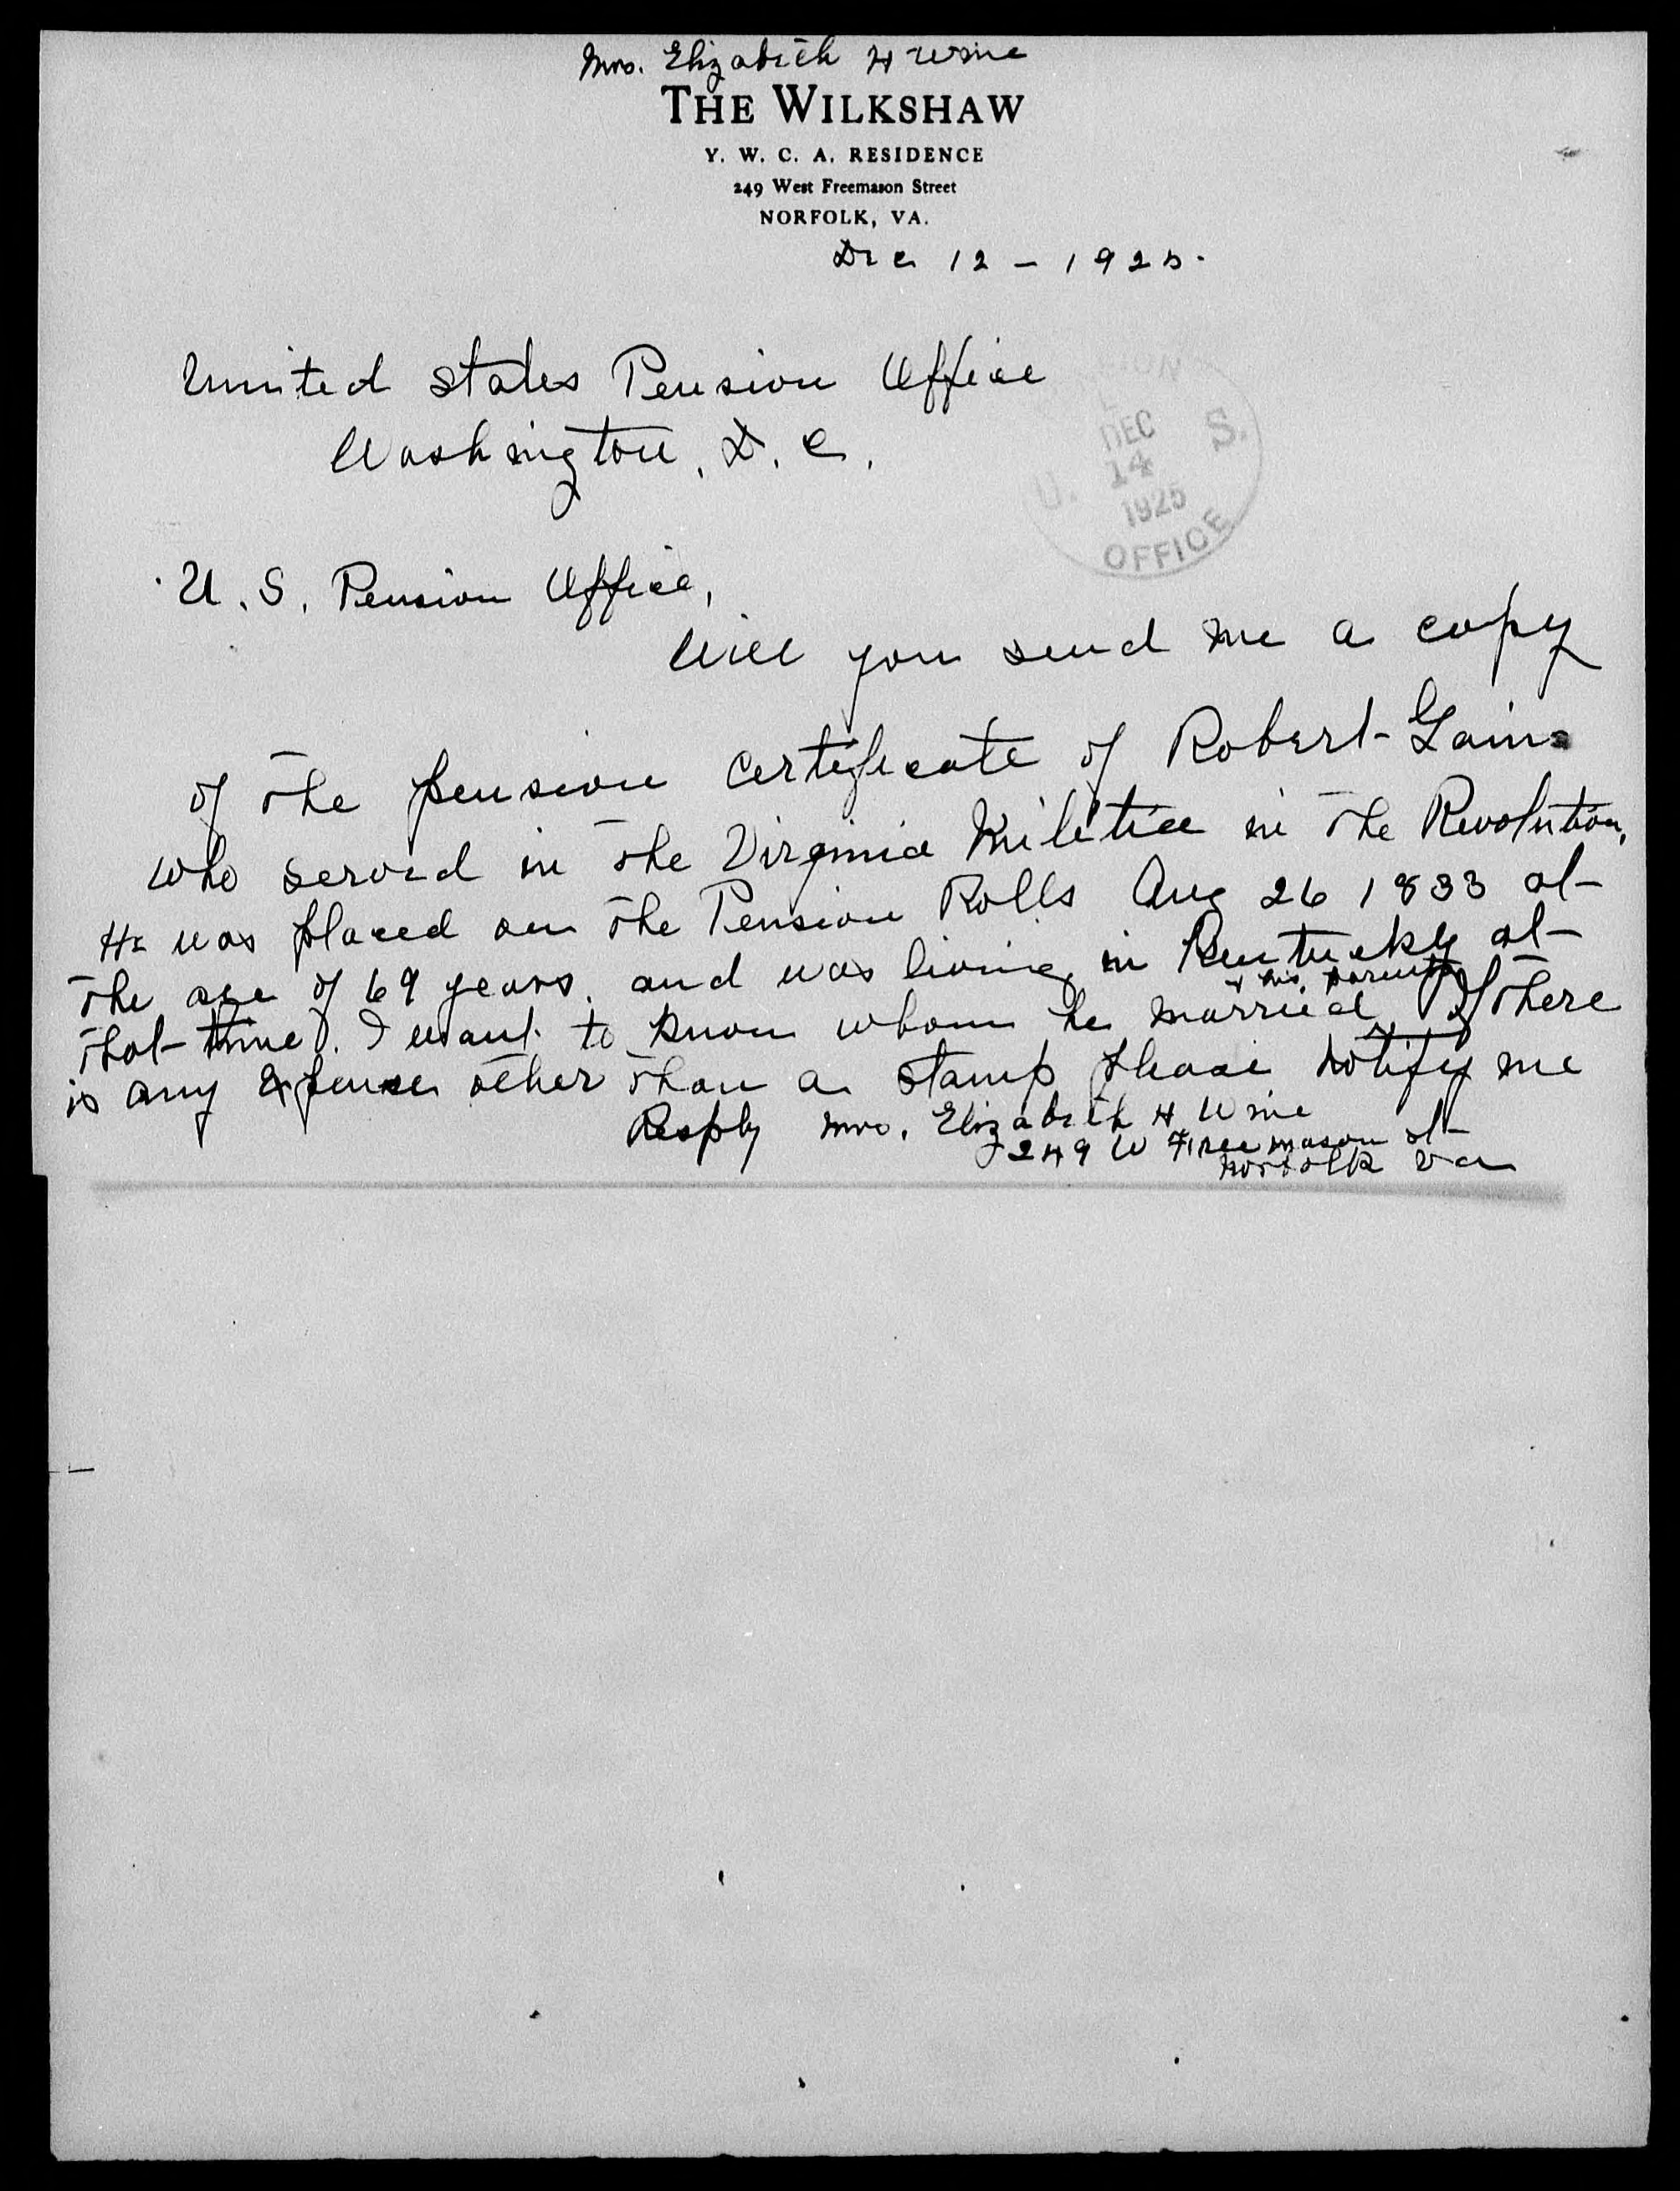Mrs. Elizabeth H Wine
THE WILKSHAW
Y. W. C. A. RESIDENCE
249 West Freemason Street
NORFOLK, VA.
Dec 12 - 1925.
United States Pension Office
Washington, D.C.

U.S. Pension Office,
Will you send me a copy
of the pension certificate of Robert Gains
who served in the Virginia Militia in the Revolution.
He was placed on the Pension Rolls Aug 26 1833 at
the age of 69 years and was living in Kentucky at
that time. I want to driver whom he married & his parents. If There
is any expense other than a stamp those notify me
Reply Mrs. Elizabeth H Wine
249 W Freemason St
NORFOLK, VA.

U. S. PENSION OFFICE
DEC
14
1925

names: Elizabeth H Wine, Robert Gains, Elizabeth H Wine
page: 47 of 79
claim: rejected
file: R. 3863, Robert Gaines, Va.